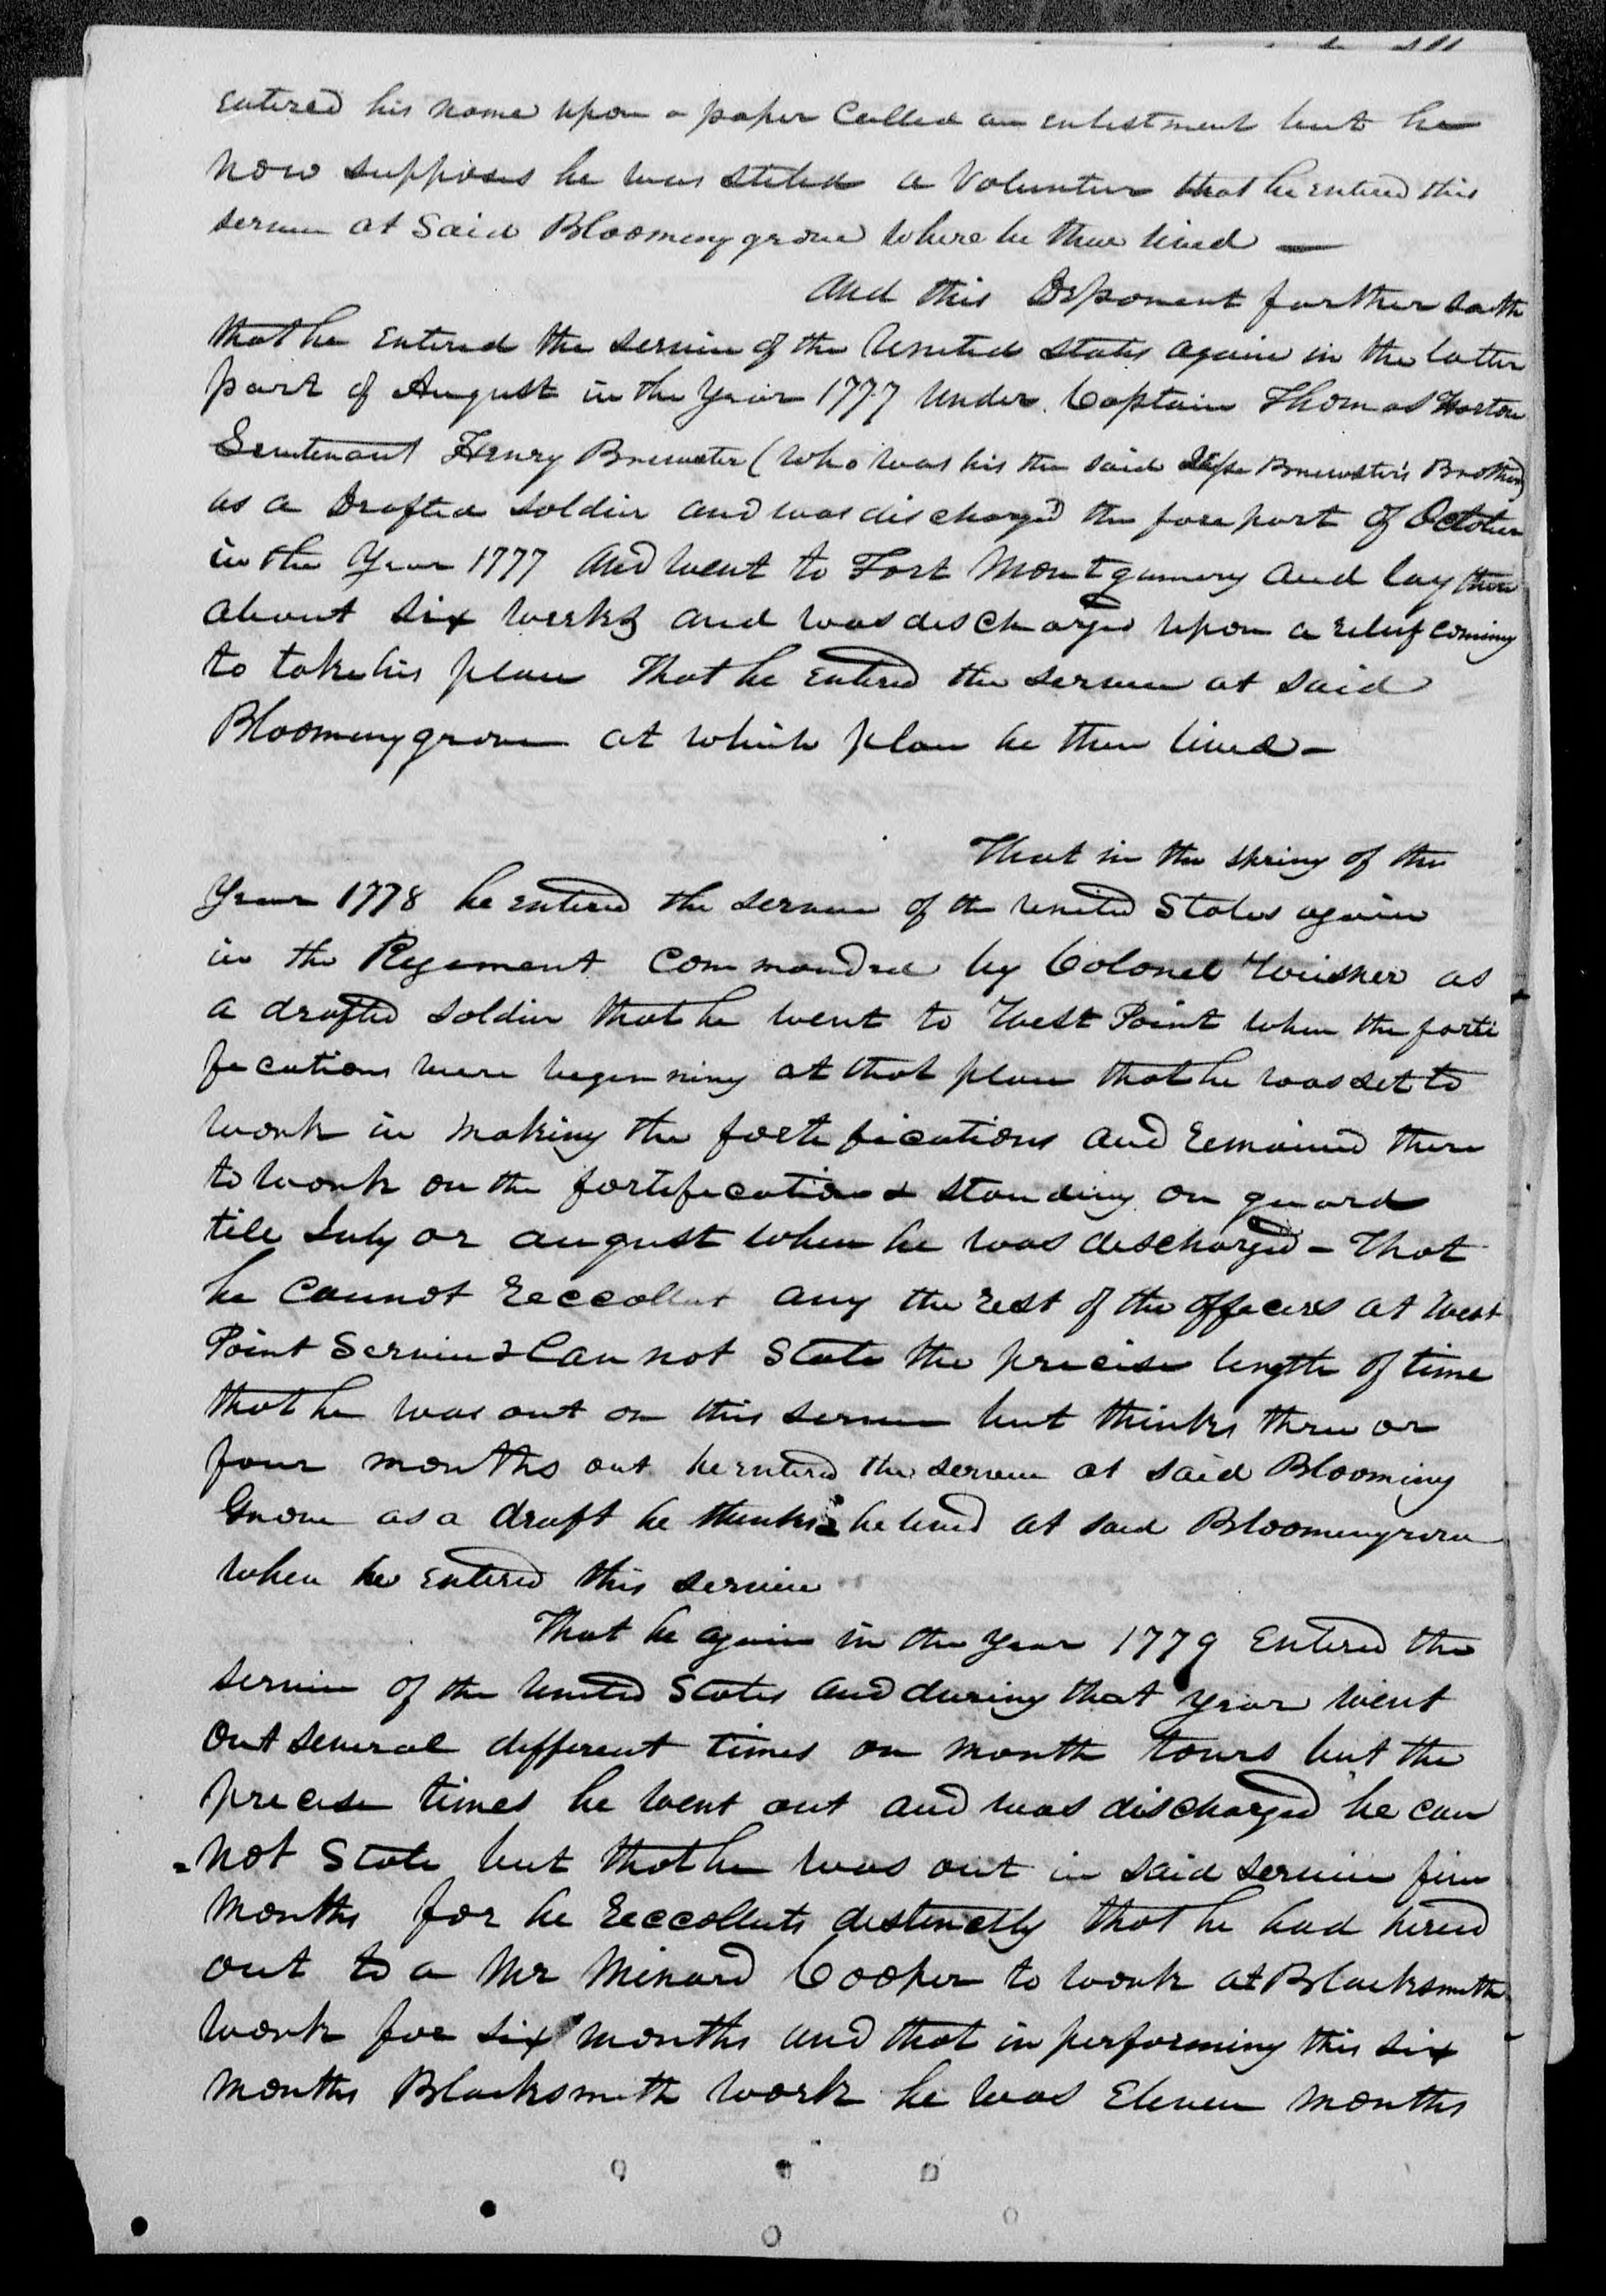entered his name upon a paper called an enlistment but he now supposes he was sti_d a volunteer that he entered this service at  said Blooming grove where he then lived.
And this Deponent further saith that he entered the service of the United States again in the latter part of August in the year 1777 under Captain Thomas Horton Lieutenant Henry Brewster (who was his the said Jesse Brewster's brother) as a drafted soldier and was discharged the fore part of October in the year 1777 and went to Fort Montgomery and lay there about six weeks and was discharged upon a relief coming to take his place that he entered the service at said Blooming grove at which place he then lived. 
That in the spring of the year 1778 he entered the service of the United States again in the Regiment commanded by Colonel Wisner as a drafted soldier that he went to West Point when the fortifications were beginning at that place that he was set to work in making the fortification and remained there to work on the fortifications + standing on guard till July or august when he was discharged. That he cannot recollect any the rest of the officers at West Point service cannot state the precise length of time that he was out on this service but thinks three or four months out he entered the service at said Blooming grove as a draft he thinks he lived at said Blooming grove when he entered this service.
That he again in the year 1779 entered the service of the United States and during that year went out several different times on month tours but the precise times he went out and was discharged he cannot state but that he was out in said service five months  for he reccollects distinctly that he had hired out to a Mr Minard Cooper to work at Blacksmith work for six months ant that in performing this six months Blacksmith work he was eleven months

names: Thomas Horton, Jesse Brewster, Minard Cooper, Weisner, Henry Brewster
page: 21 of 26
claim: survivor's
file: S. 12,291, Jesse Brewster, New York